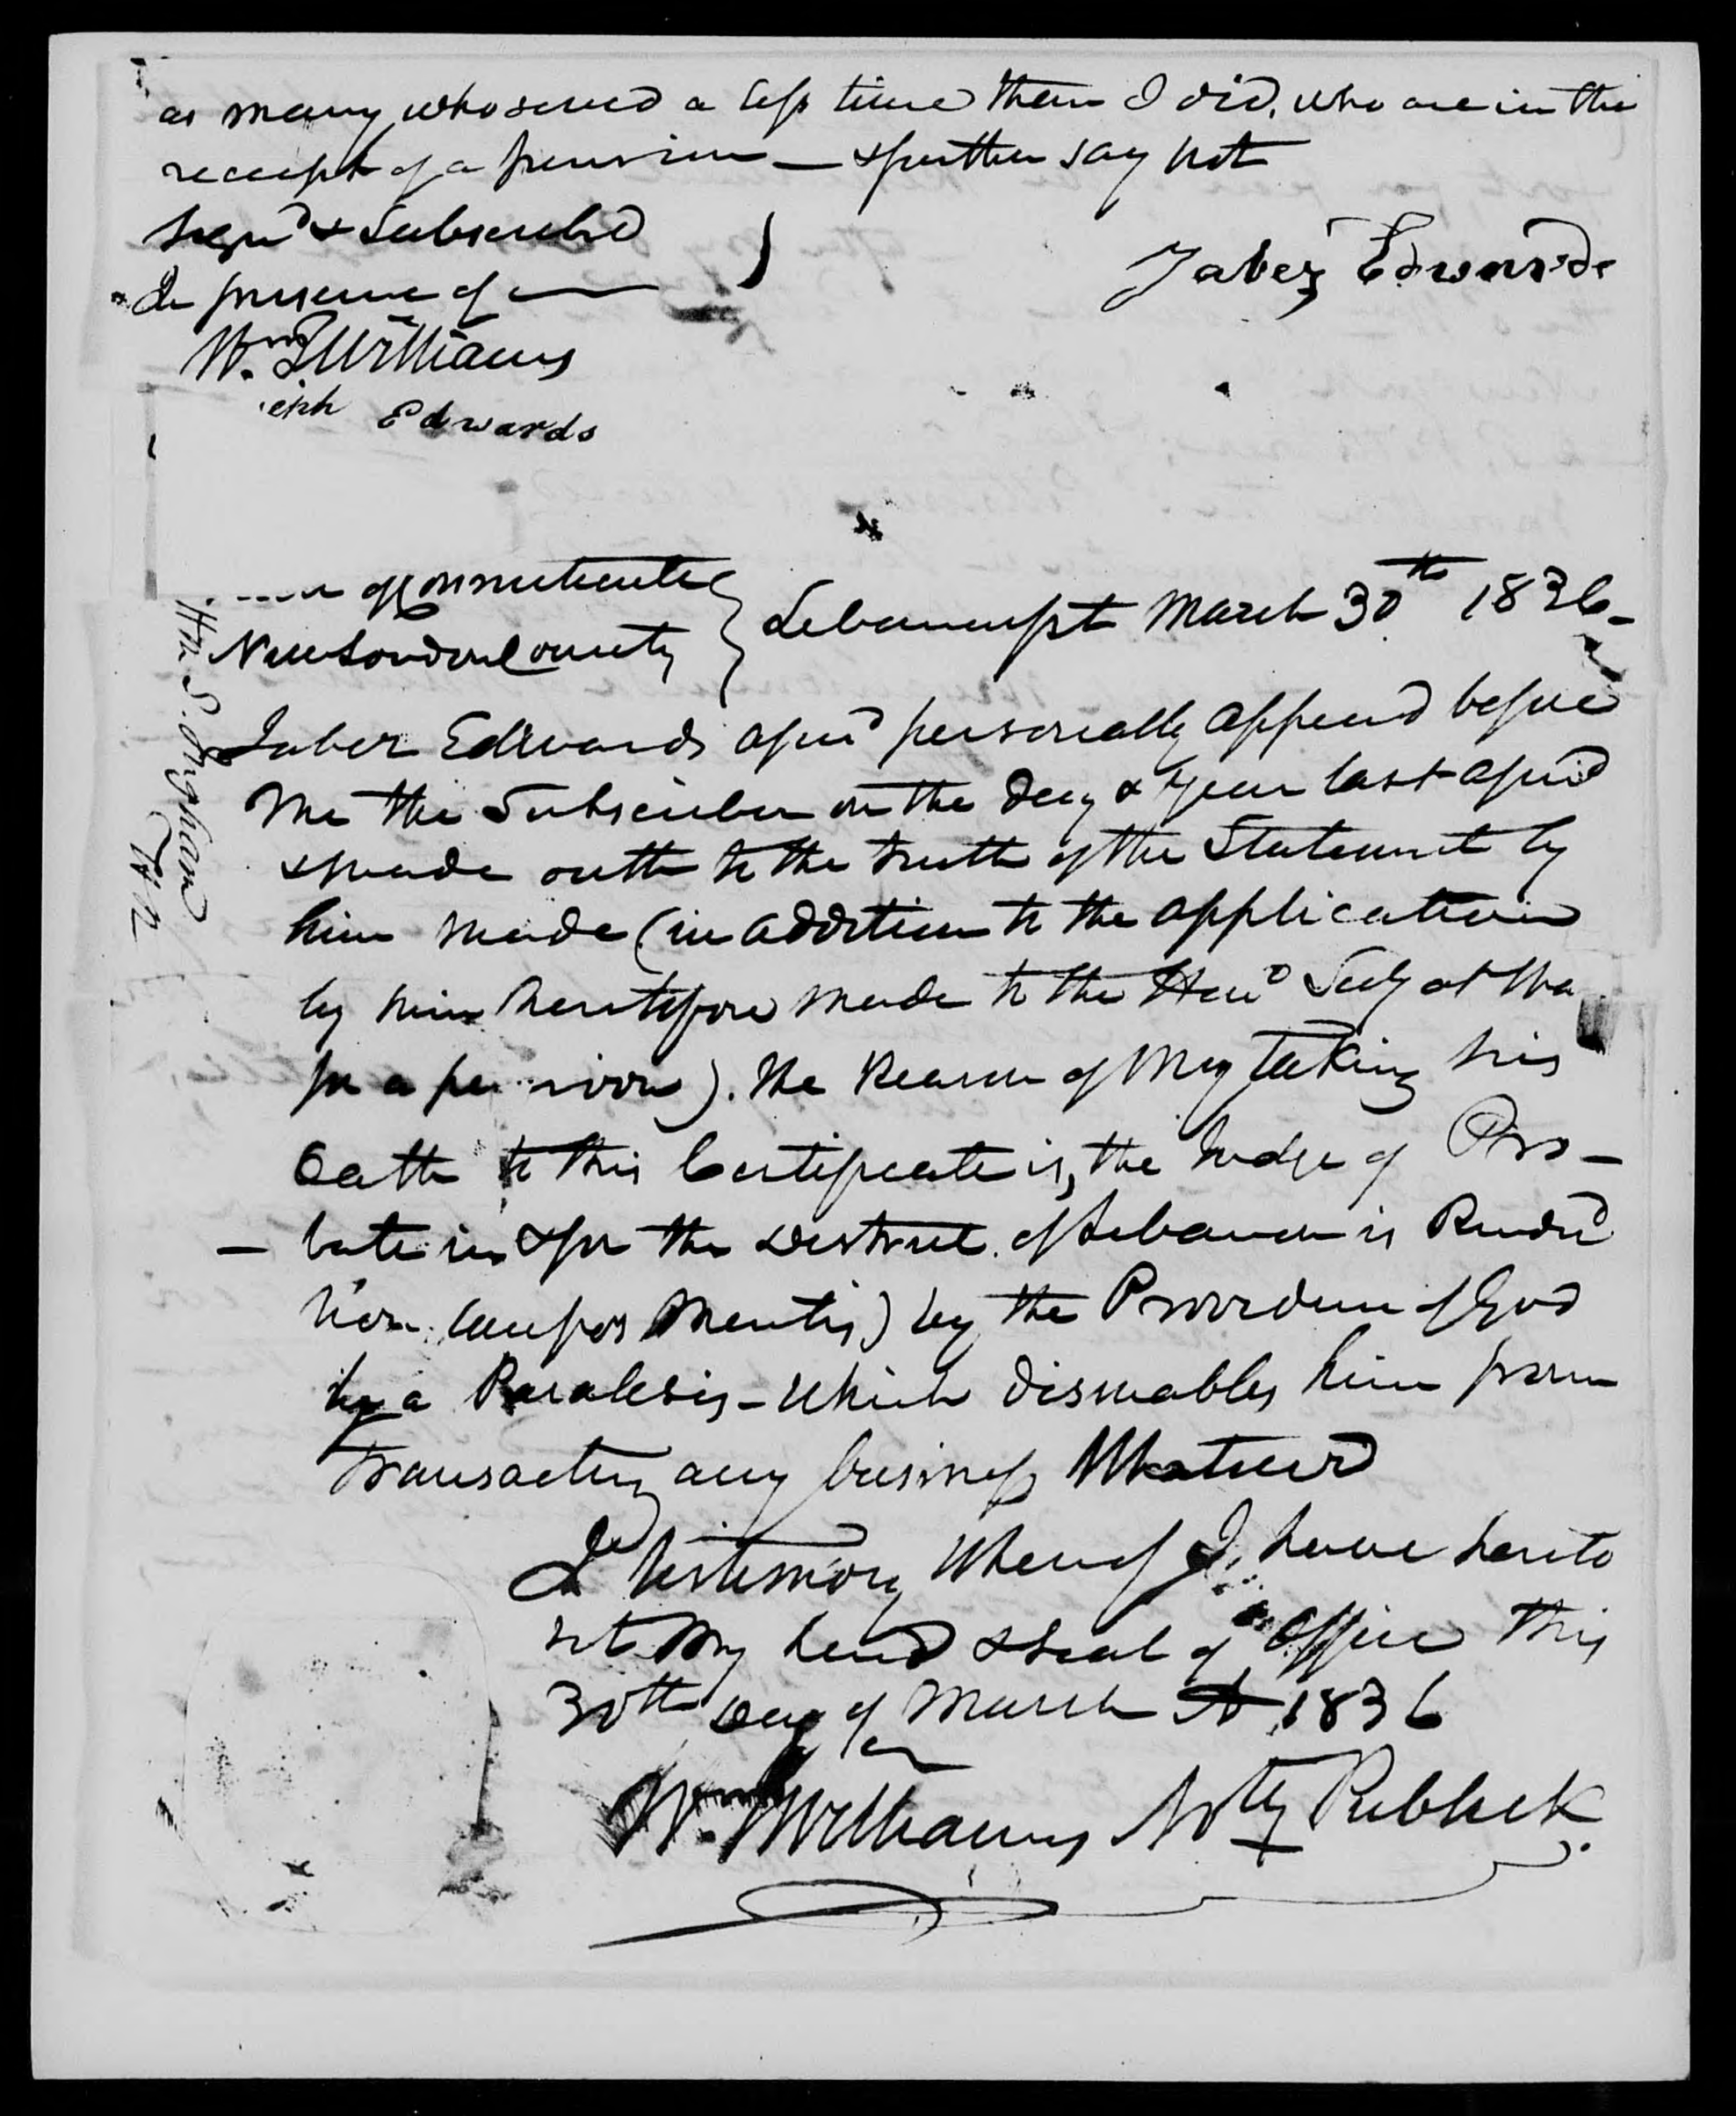as many who served a less time than I did, who are in the receipt of a pension.  & further say not.
{signed} Jabez Edwards

Signed & Subscribed
In presence of --
Wm. Williams
Joseph Edwards

State of Connecticut
New London County 
[illegible] March 30th 1836
Jabez Edwards aforesaid personally appeared before me the Subscriber on the day & year last aforesaid & made oath to the truth of the statement by him made (in addition to the application by him heretofore made to the Hon. Secretary of War in a [illegible.] The (?) of my taking his oath to this certificate is, the Judge of Probate in & for the district of Lebanon in [illegible] by the Providence of God  by a (?) - which (?) him from transacting any business whatever.

In testimony whereof I have hereto set my hand & seal of office this 30th day of March 1836
{signed} Wm. Williams 
{signed} [illegible]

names: Wm T Williams, Wm T Williams, Joseph Edwards, Jabez Edwards, Jabez Edwards, S Ingham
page: 12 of 50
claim: survivor's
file: S 10607, Jabez Edwards, Conn.